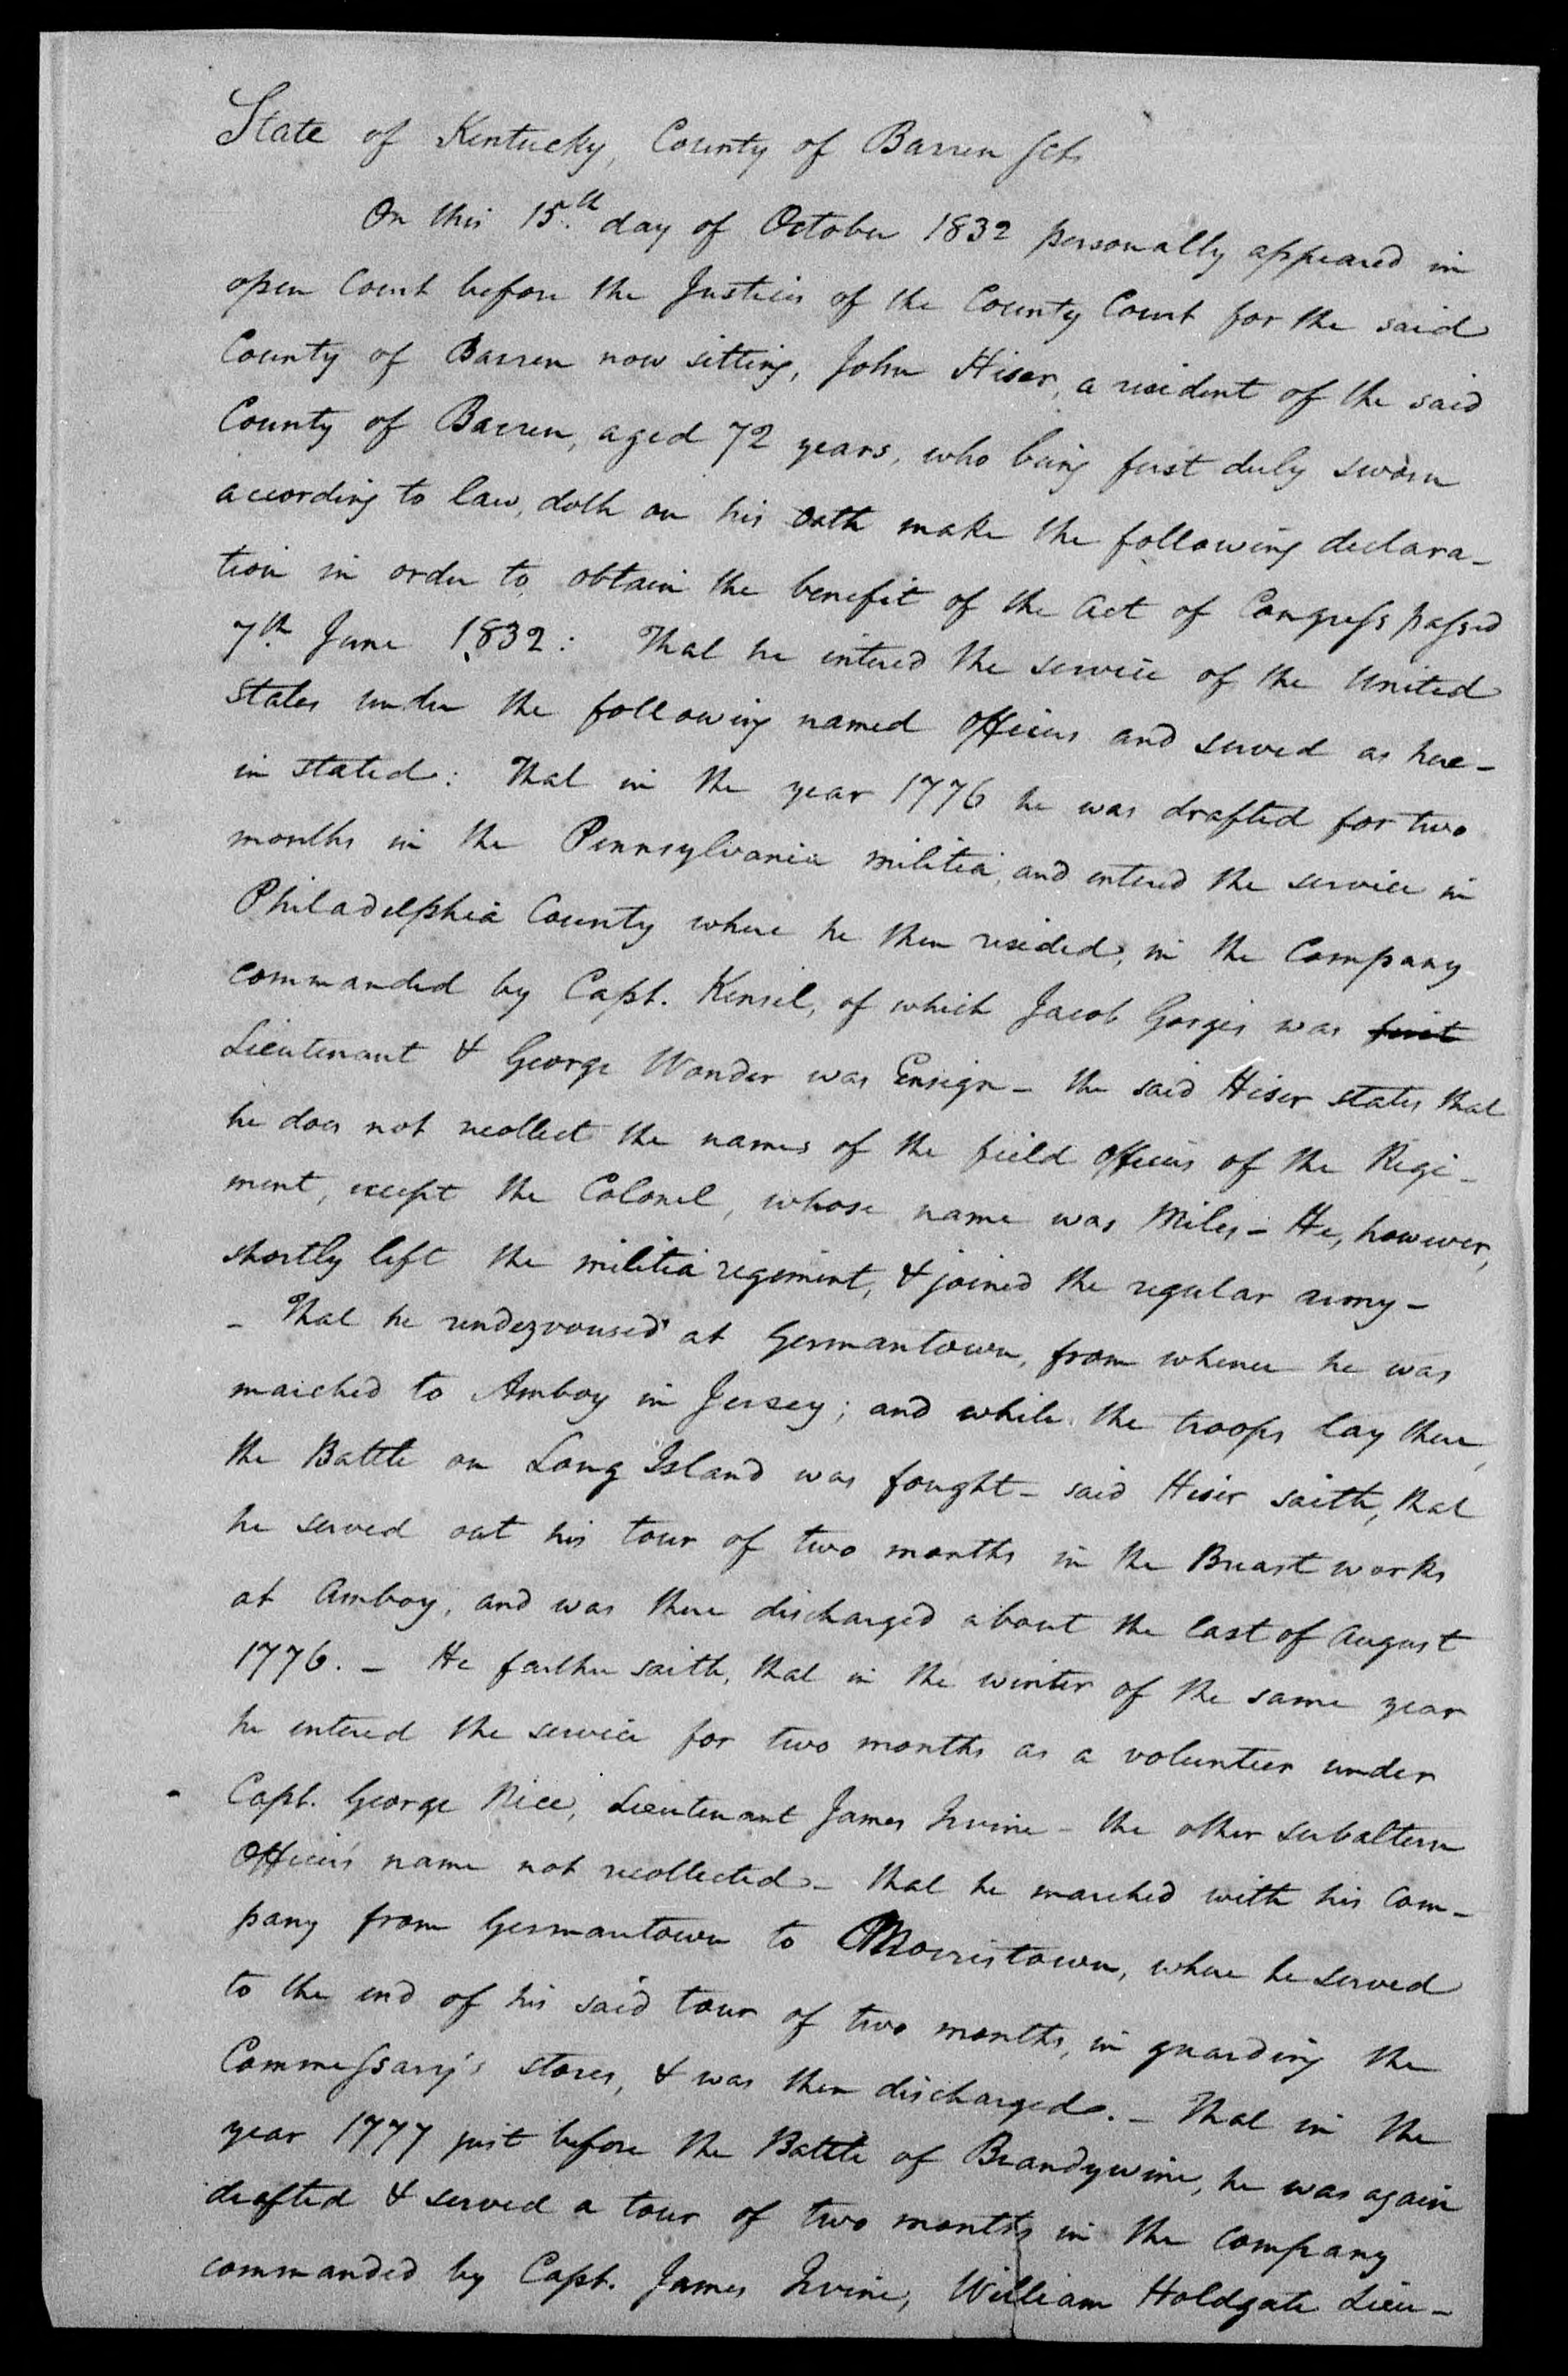State of Kentucky, County of Barren ss

On this 15th day of October 1832 personally appeared in open Court before the Justice of the County Court for the said County of Barren now sitting, John Hiser, a resident of the said County of Barren, aged 72 years, who being first duly sworn according to law, doth on his oath make the following declaration in order to obtain the benefit of the Act of Congress passed 7th June 1832,  That he entered the service of the United States under the following named officers and served as herein stated.  That in the year 1776 he was drafted for two months in the Pennsylvania militia and entered the service in Philadelphia County where he then resided in the Company commanded by Capt. Kensil, of which Jacob Gorgis was Lieutenant & George Wonder was Ensign.  The said Hiser states that he does not recollect the names of the field officers of the Regiment, except the Colonel, whose name was Miles.  He, however, shortly left the militia regiment & joined the regular army.  That he rendezvoused at Germantown, from whence he was marched to Amboy in Jersey, and while the troops lay there the Battle on Long Island was fought - said Hiser saith that he served out his tour of two months in the (illegible) works at Amboy and was there discharged about the last of August 1776.  He further saith that in the winter of the same year he entered the service for two months as a volunteer under Capt. George Nice, Lieutenant James Irvine - the other subaltern officer's name not recollected - That he marched with his company from Germantown to Morristown where he served to the end of his said tour of two months, in guarding the Commissary's stores, & was then discharged.
That in the 1777 just before the Battle of Brandywine, he was again drafted & served a tour of two months in the company commanded by Capt. James Irvine, William Holdgate Lieu- {page ends here}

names: Hiser, James Irvine, John Hiser, George Rice, Kensil, Hiser, William Holdgate, Jacob Gorgis, James Irvine, George Wonder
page: 6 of 58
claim: widow's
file: W. 8932, John Hiser, Penn.